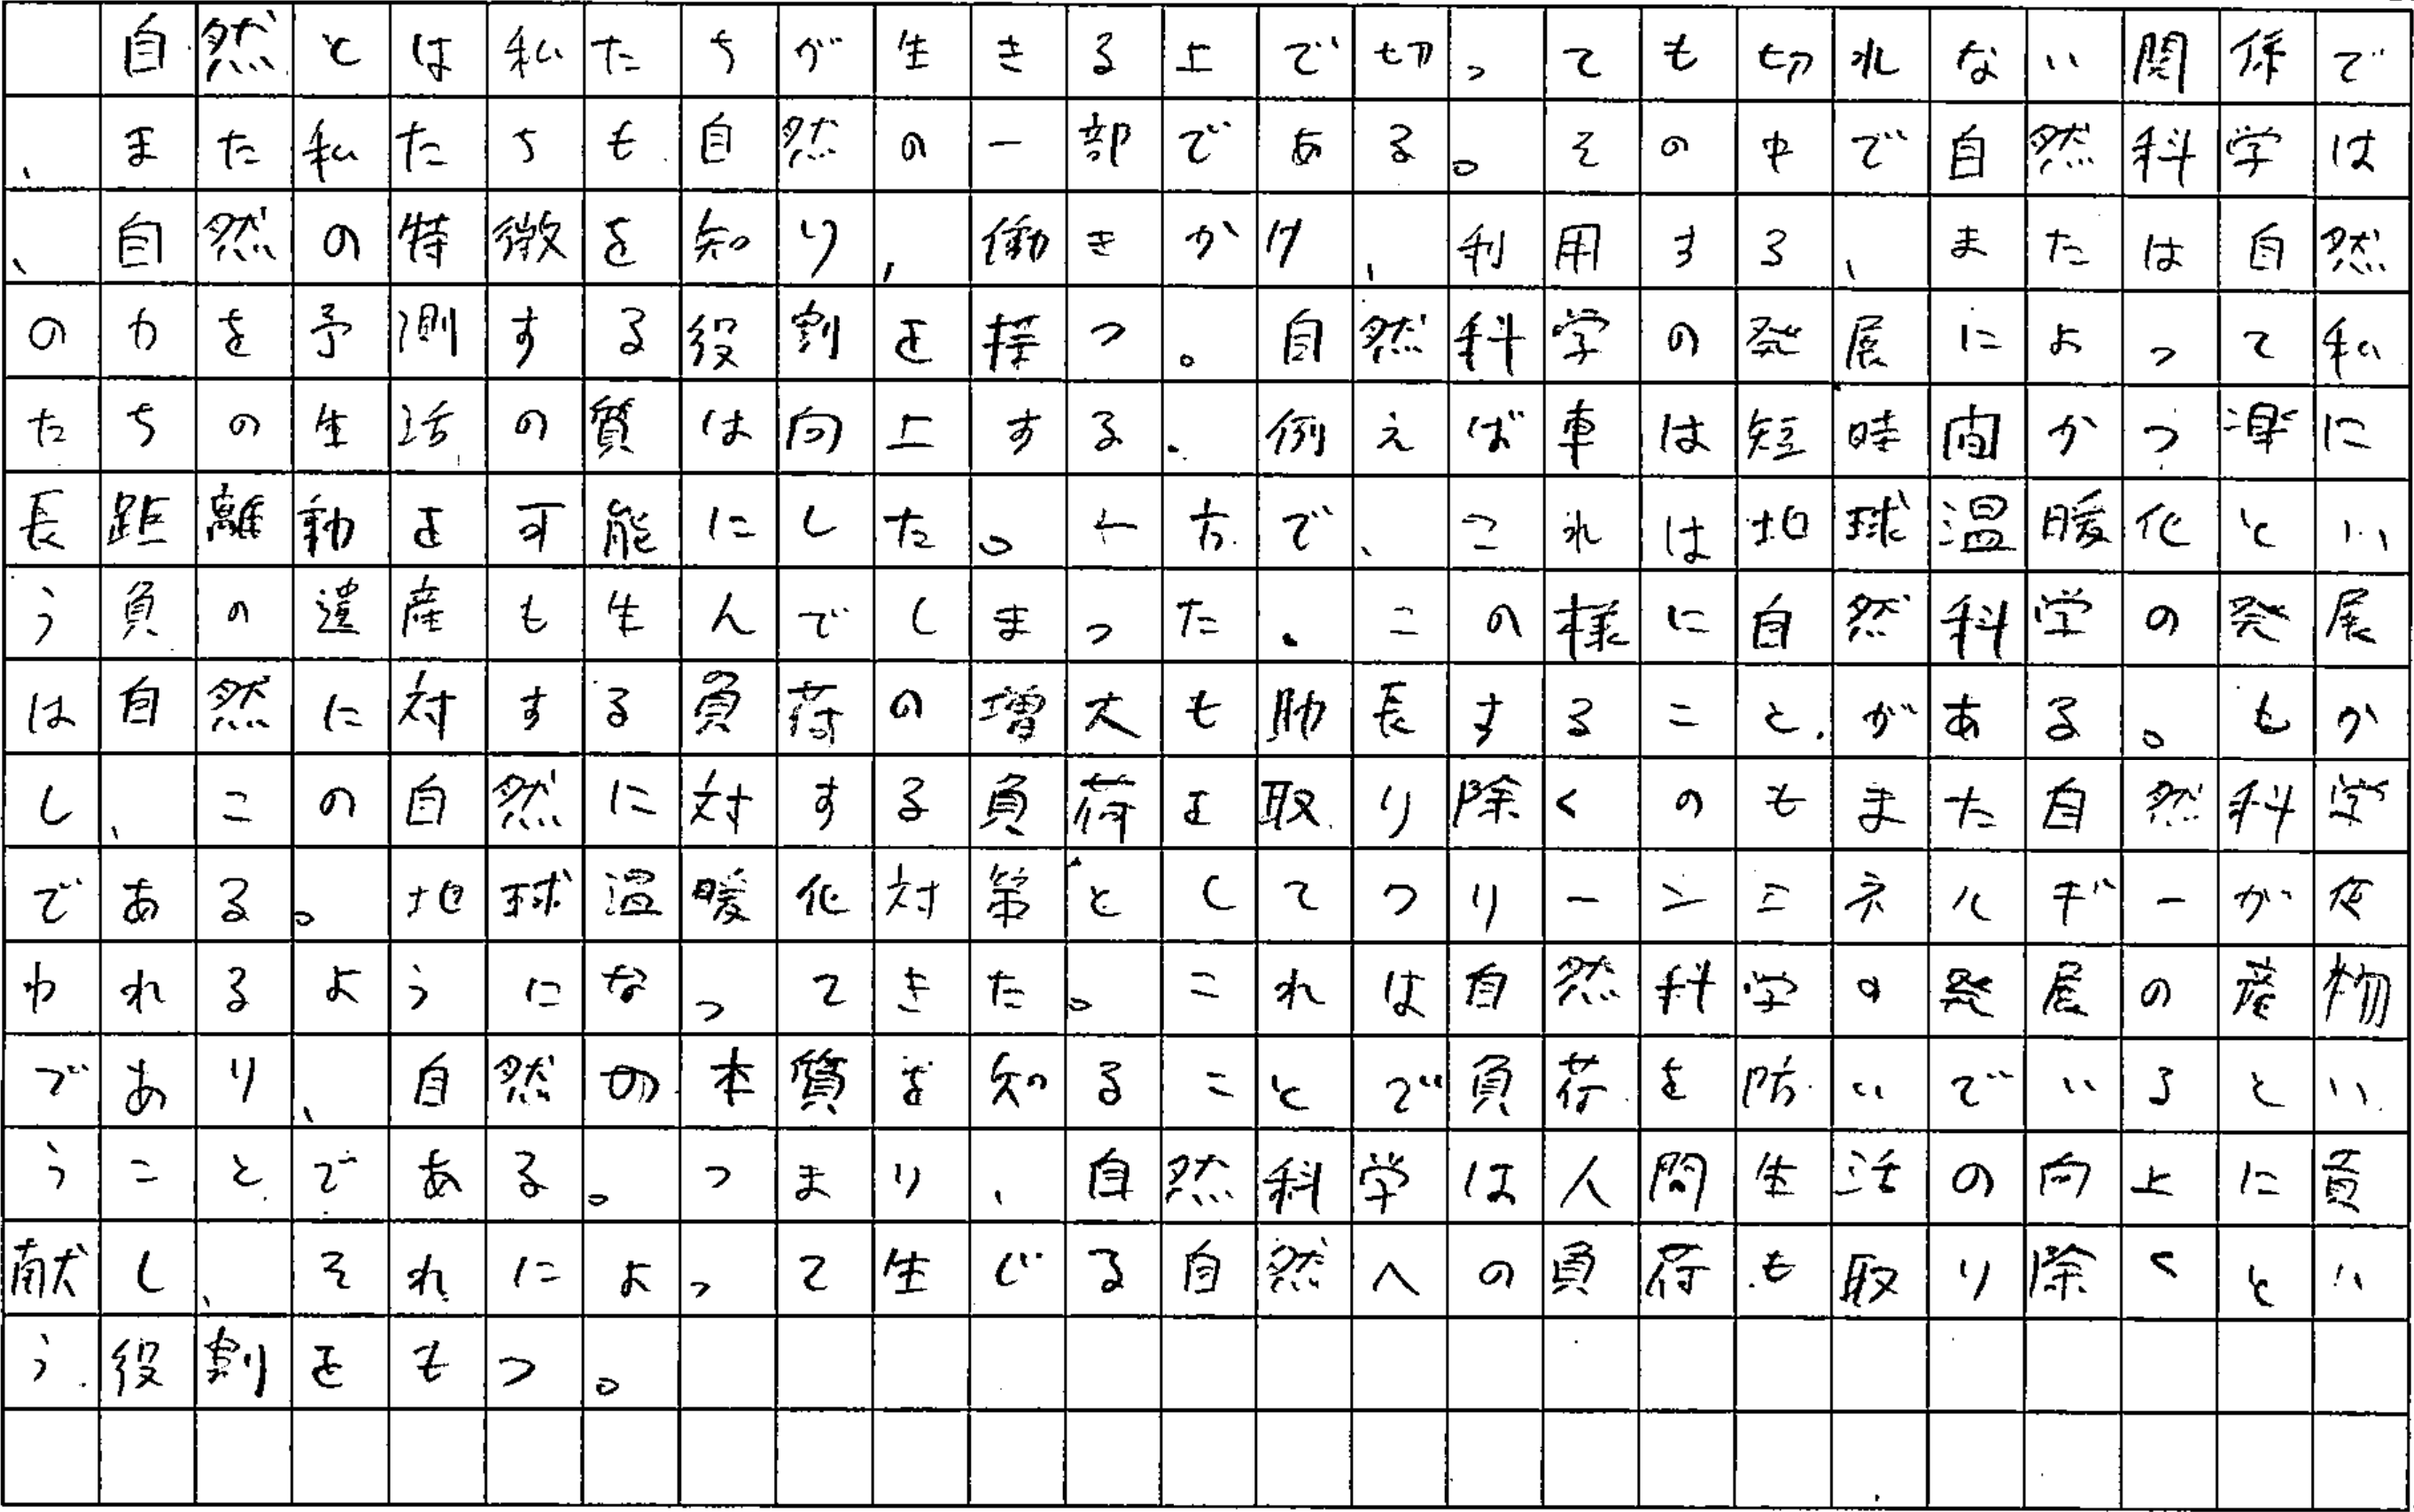　自然とは私たちが生きる上で切っても切れない関係で、また私たちも自然の一部である。その中で自然科学は、自然の特徴を知り、働きかけ、利用する、または自然の力を予測する役割を持つ。自然科学の発展によって私たちの生活の質は向上する。例えば車は短時間かつ楽に長距離動を可能にした。一方で、これは地球温暖化という負の遺産も生んでしまった。この様に自然科学の発展は自然に対する負荷の増大も助長することがある。しかし、この自然に対する負荷を取り除くのもまた自然科学である。地球温暖化対策としてクリーンエネルギーが使われるようになってきた。これは自然科学の発展の産物であり、自然の本質を知ることで負荷を防いでいるということである。つまり、自然科学は人間生活の向上に貢献し、それによって生じる自然への負荷も取り除くという役割をもつ。
